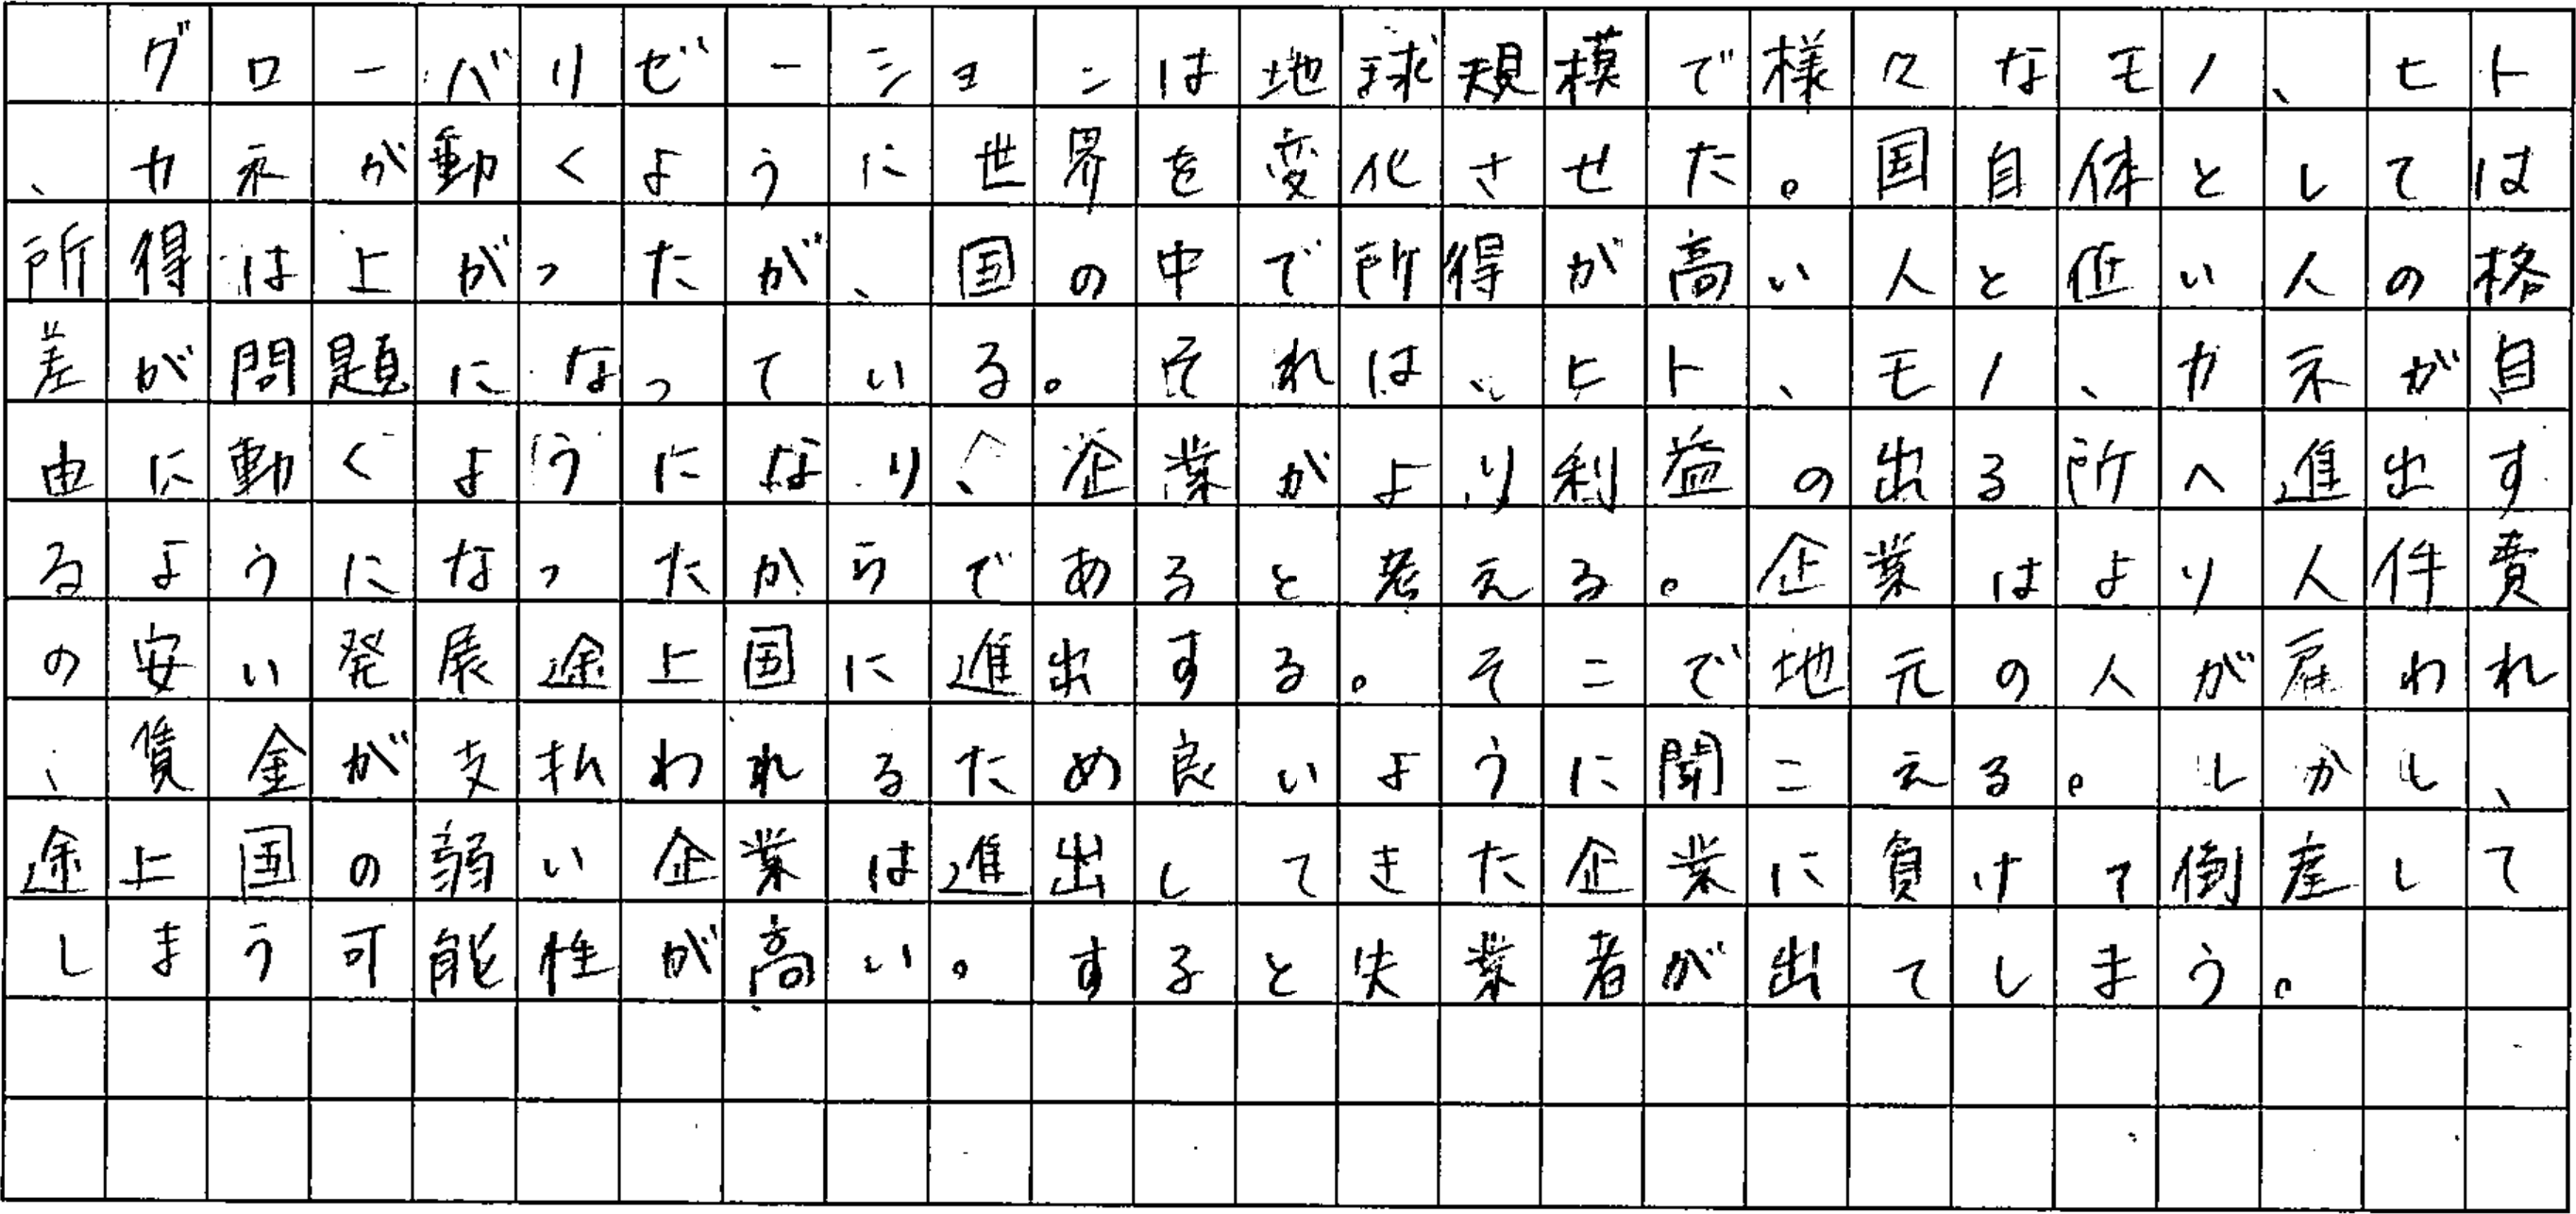　グローバリゼーションは地球規模で様々なモノ、ヒト、カネが動くように世界を変化させた。国自体としては所得は上がったが、国の中で所得が高い人と低い人の格差が問題になっている。それは、ヒト、モノ、カネが自由に動くようになり、企業がより利益の出る所へ進出するようになったからであると考える。企業はより人件費の安い発展途上国に進出する。そこで地元の人が雇われ、賃金が支払われるため良いように聞こえる。しかし、途上国の弱い企業は進出してきた企業に負けて倒産してしまう可能性が高い。すると失業者が出てしまう。
